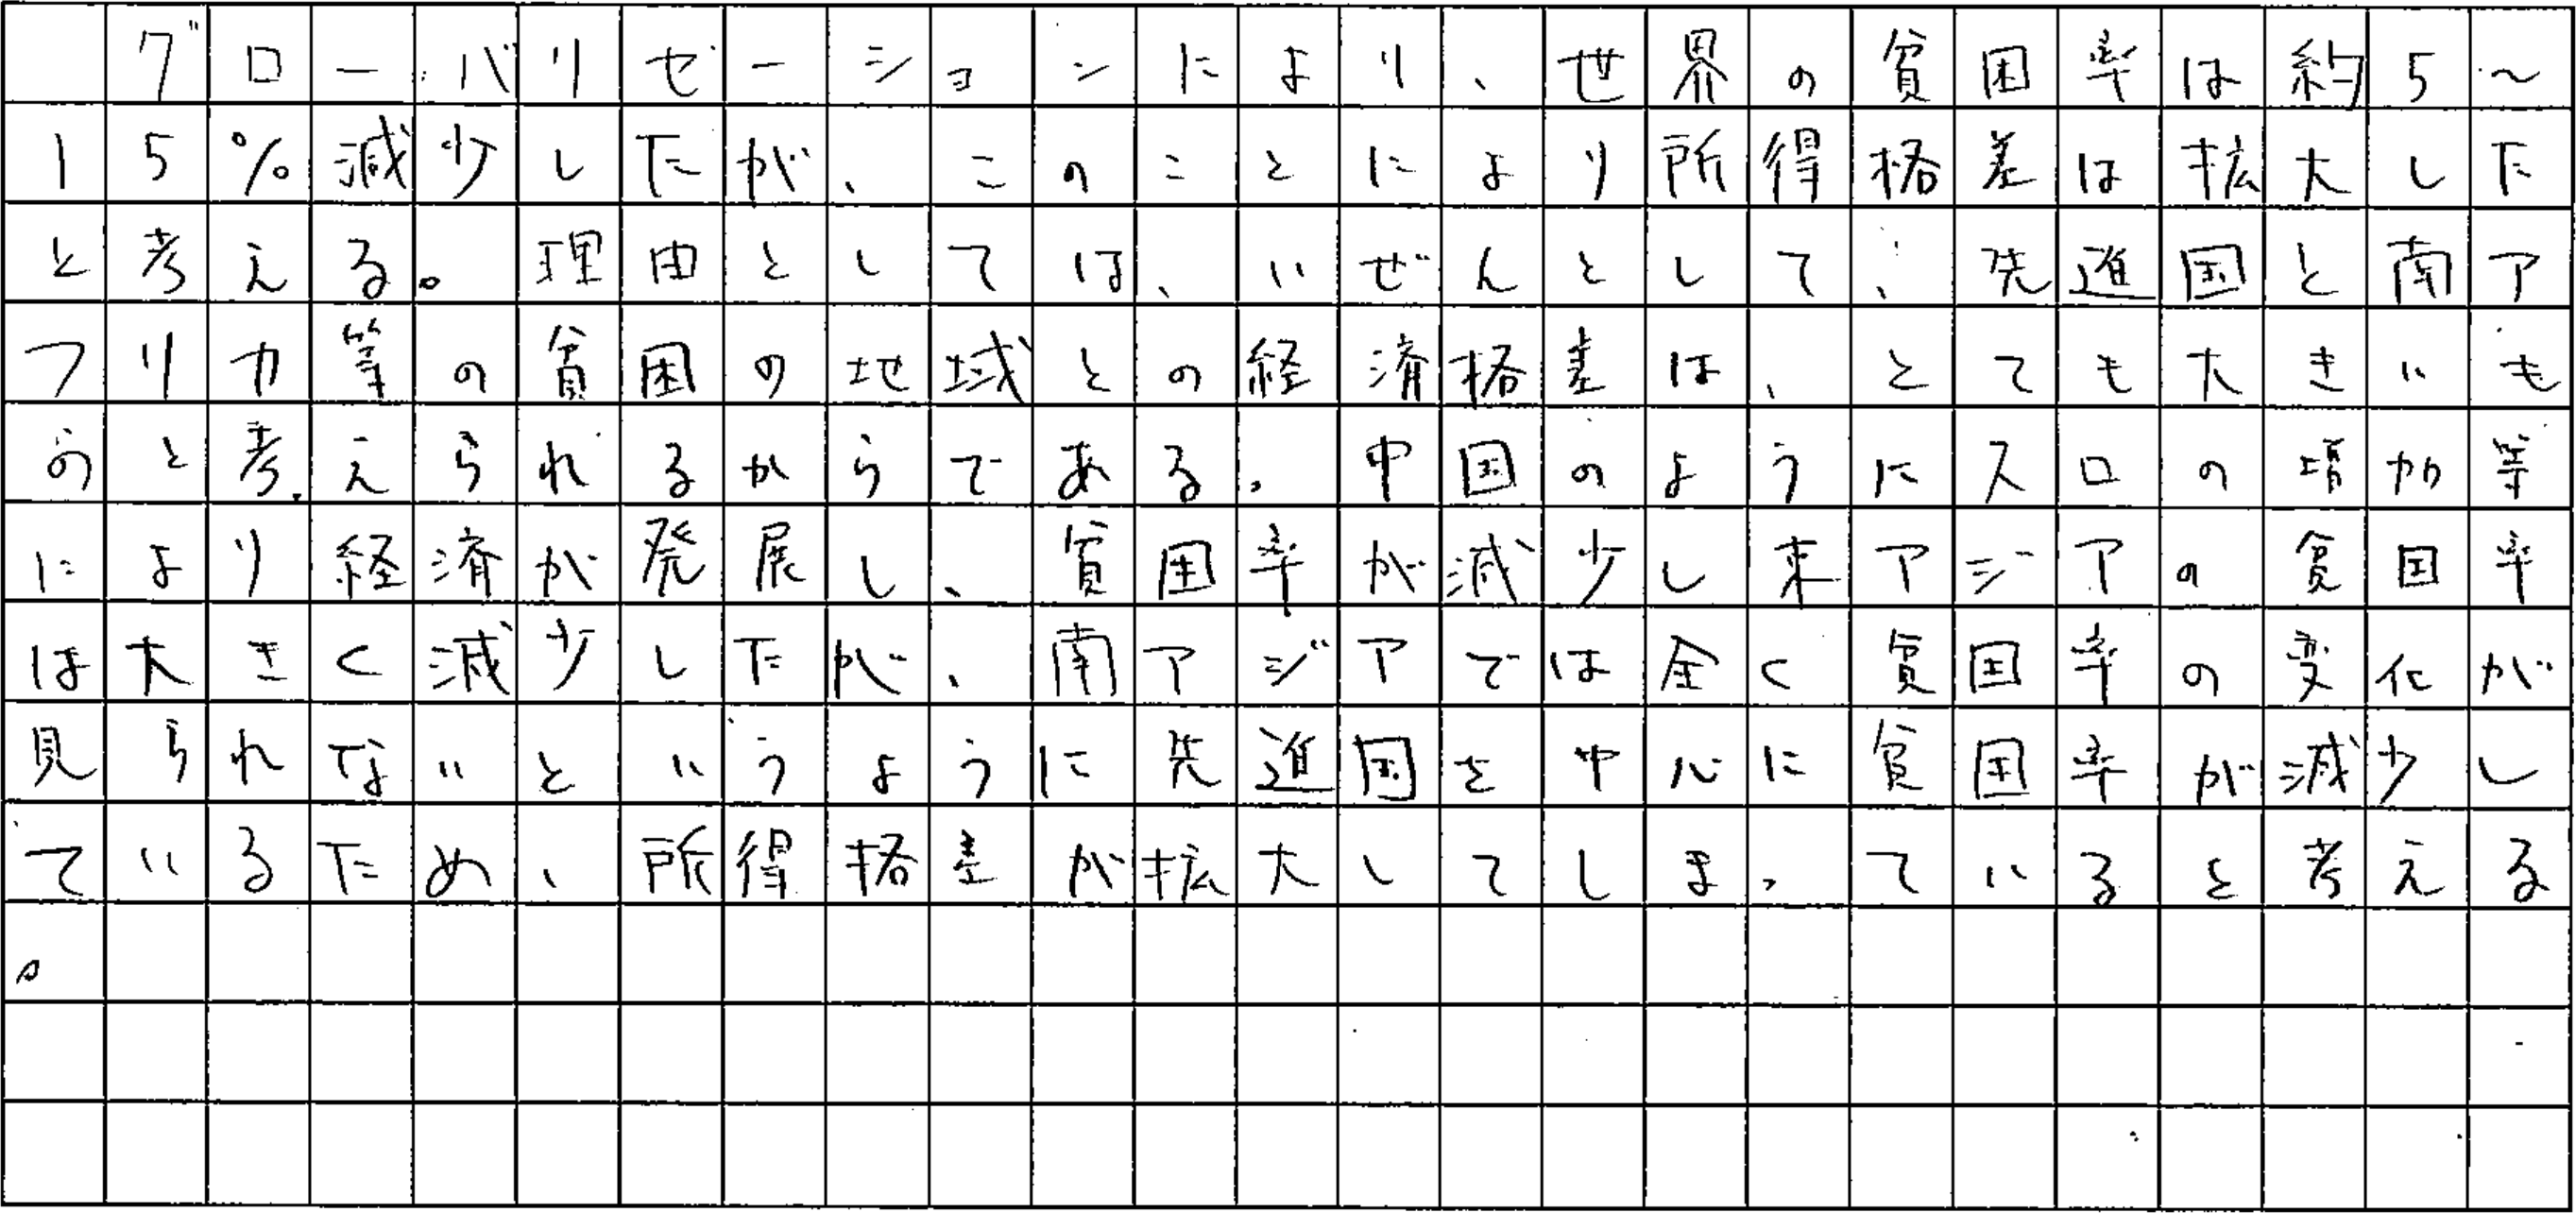　グローバリゼーションにより、世界の貧困率は約５～１５％減少したが、このことにより所得格差は拡大したと考える。理由としては、いぜんとして、先進国と南アフリカ等の貧困の地域との経済格差は、とても大きいものと考えられるからである。中国のように人口の増加等により経済が発展し、貧困率が減少し東アジアの貧困率は大きく減少したが、南アジアでは全く貧困率の変化が見られないというように先進国を中心に貧困率が減少しているため、所得格差が拡大してしまっていると考える。
